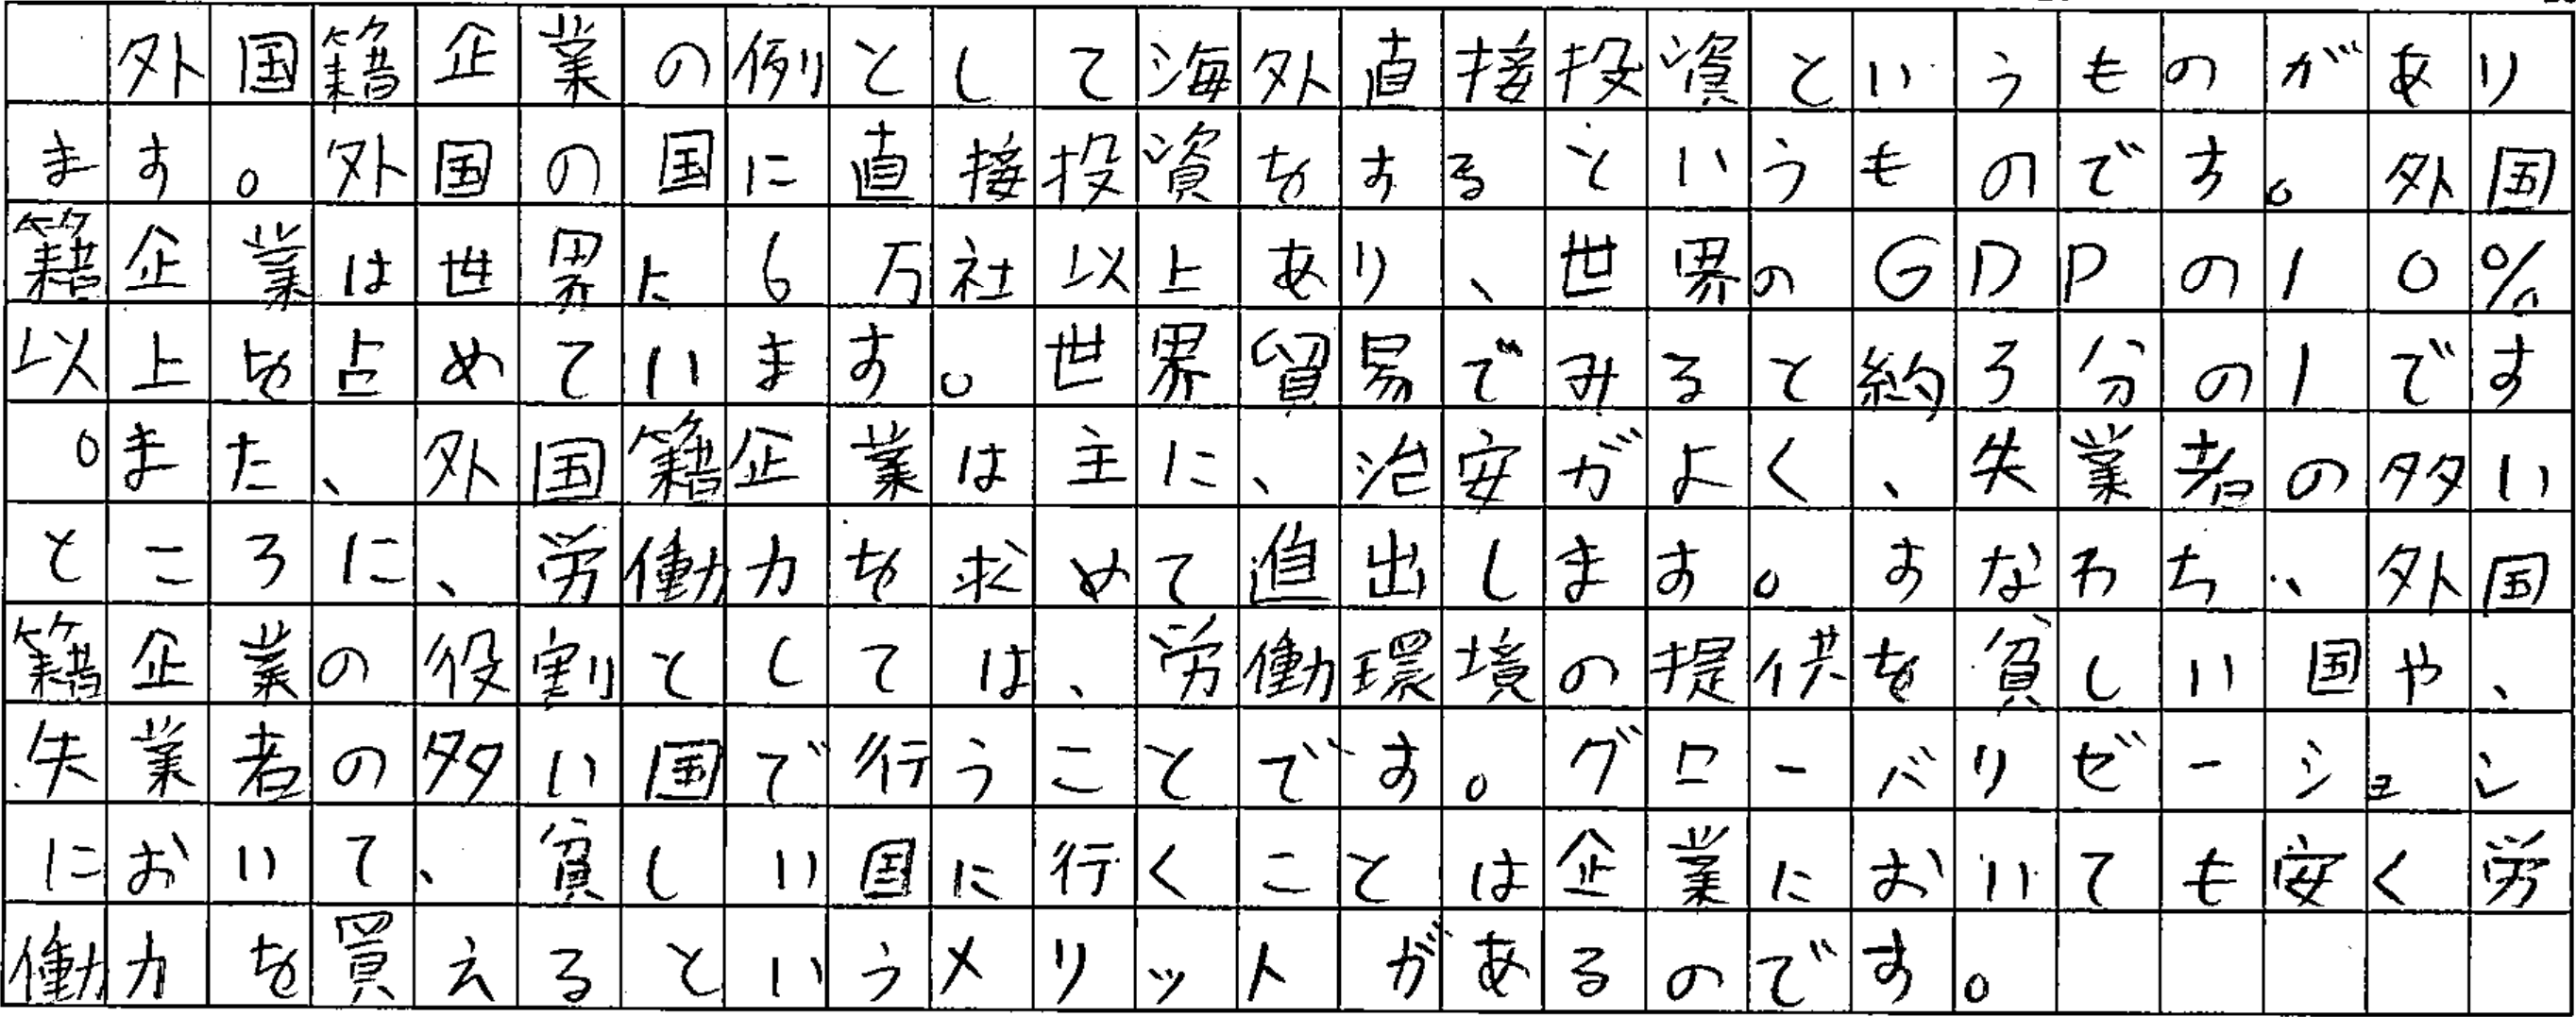　外国籍企業の例として海外直接投資というものがあります。外国の国に直接投資をするというものです。外国籍企業は世界に６万社以上あり、世界のGDPの１０％以上を占めています。世界貿易で見ると約３分の１です。また、外国籍企業は主に、治安がよく、失業者の多いところに、労働力を求めて進出します。すなわち、外国籍企業の役割としては、労働環境の提供を貧しい国や、失業者の多い国で行うことです。グローバリゼーションにおいて、貧しい国に行くことは企業においても安く労働力を買えるというメリットがあるのです。
